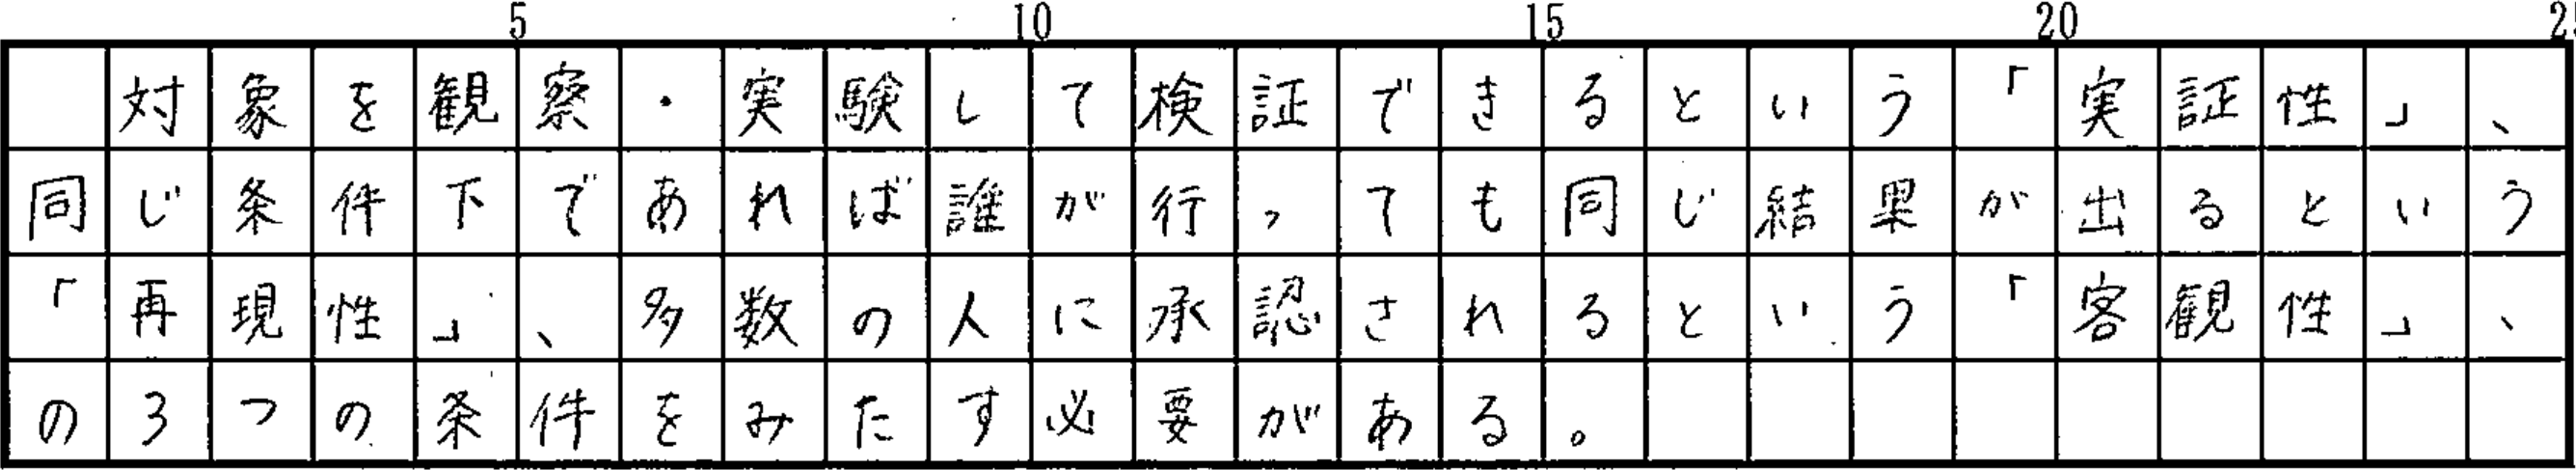　対象を観察・実験して検証できるという「実証性」、同じ条件下であれば誰が行っても同じ結果が出るという「再現性」、多数の人に承認されるという「客観性」、の３つの条件をみたす必要がある。
